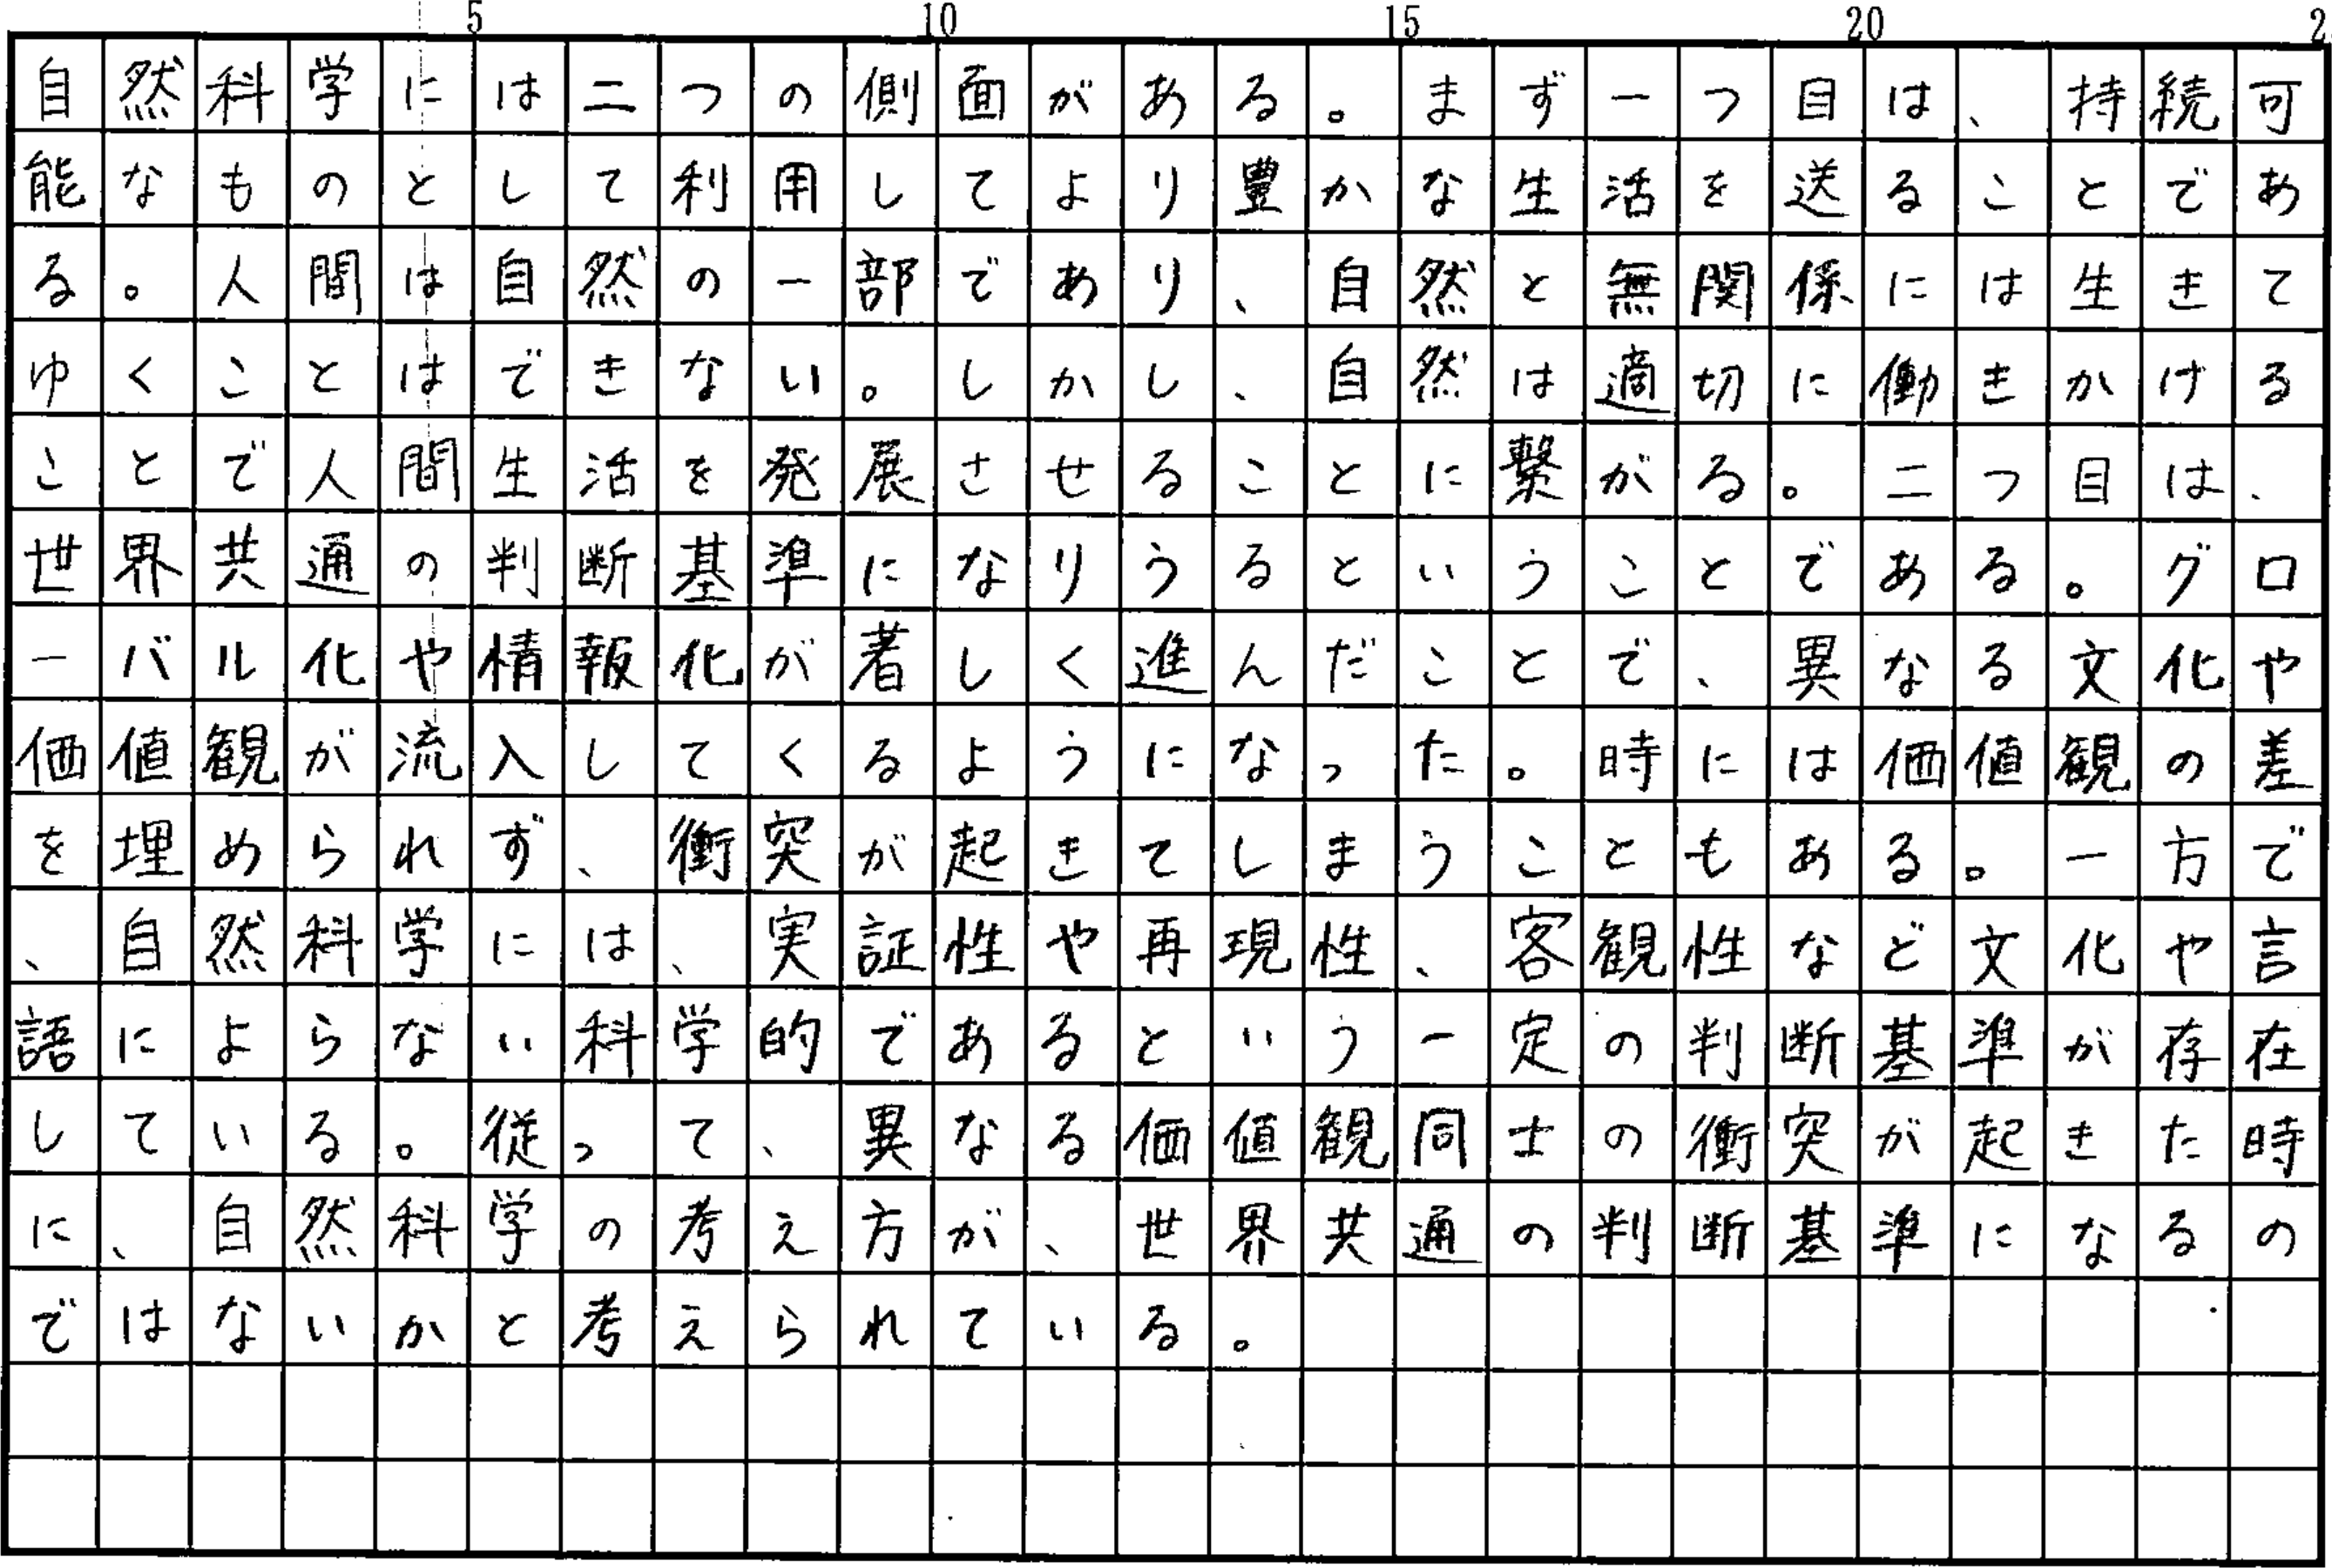自然科学には二つの側面がある。まず一つ目は、持続可能なものとして利用してより豊かな生活を送ることである。人間は自然の一部であり、自然と無関係には生きてゆくことはできない。しかし、自然は適切に働きかけることで人間生活を発展させることに繋がる。二つ目は、世界共通の判断基準になりうるということである。グローバル化や情報化が著しく進んだことで、異なる文化や価値観が流入してくるようになった。時には価値観の差を埋められず、衝突が起きてしまうこともある。一方で、自然科学には、実証性や再現性、客観性など文化や言語によらない科学的であるという一定の判断基準が存在している。従って、異なる価値観同士の衝突が起きた時に、自然科学の考え方が、世界共通の判断基準になるのではないかと考えられている。
